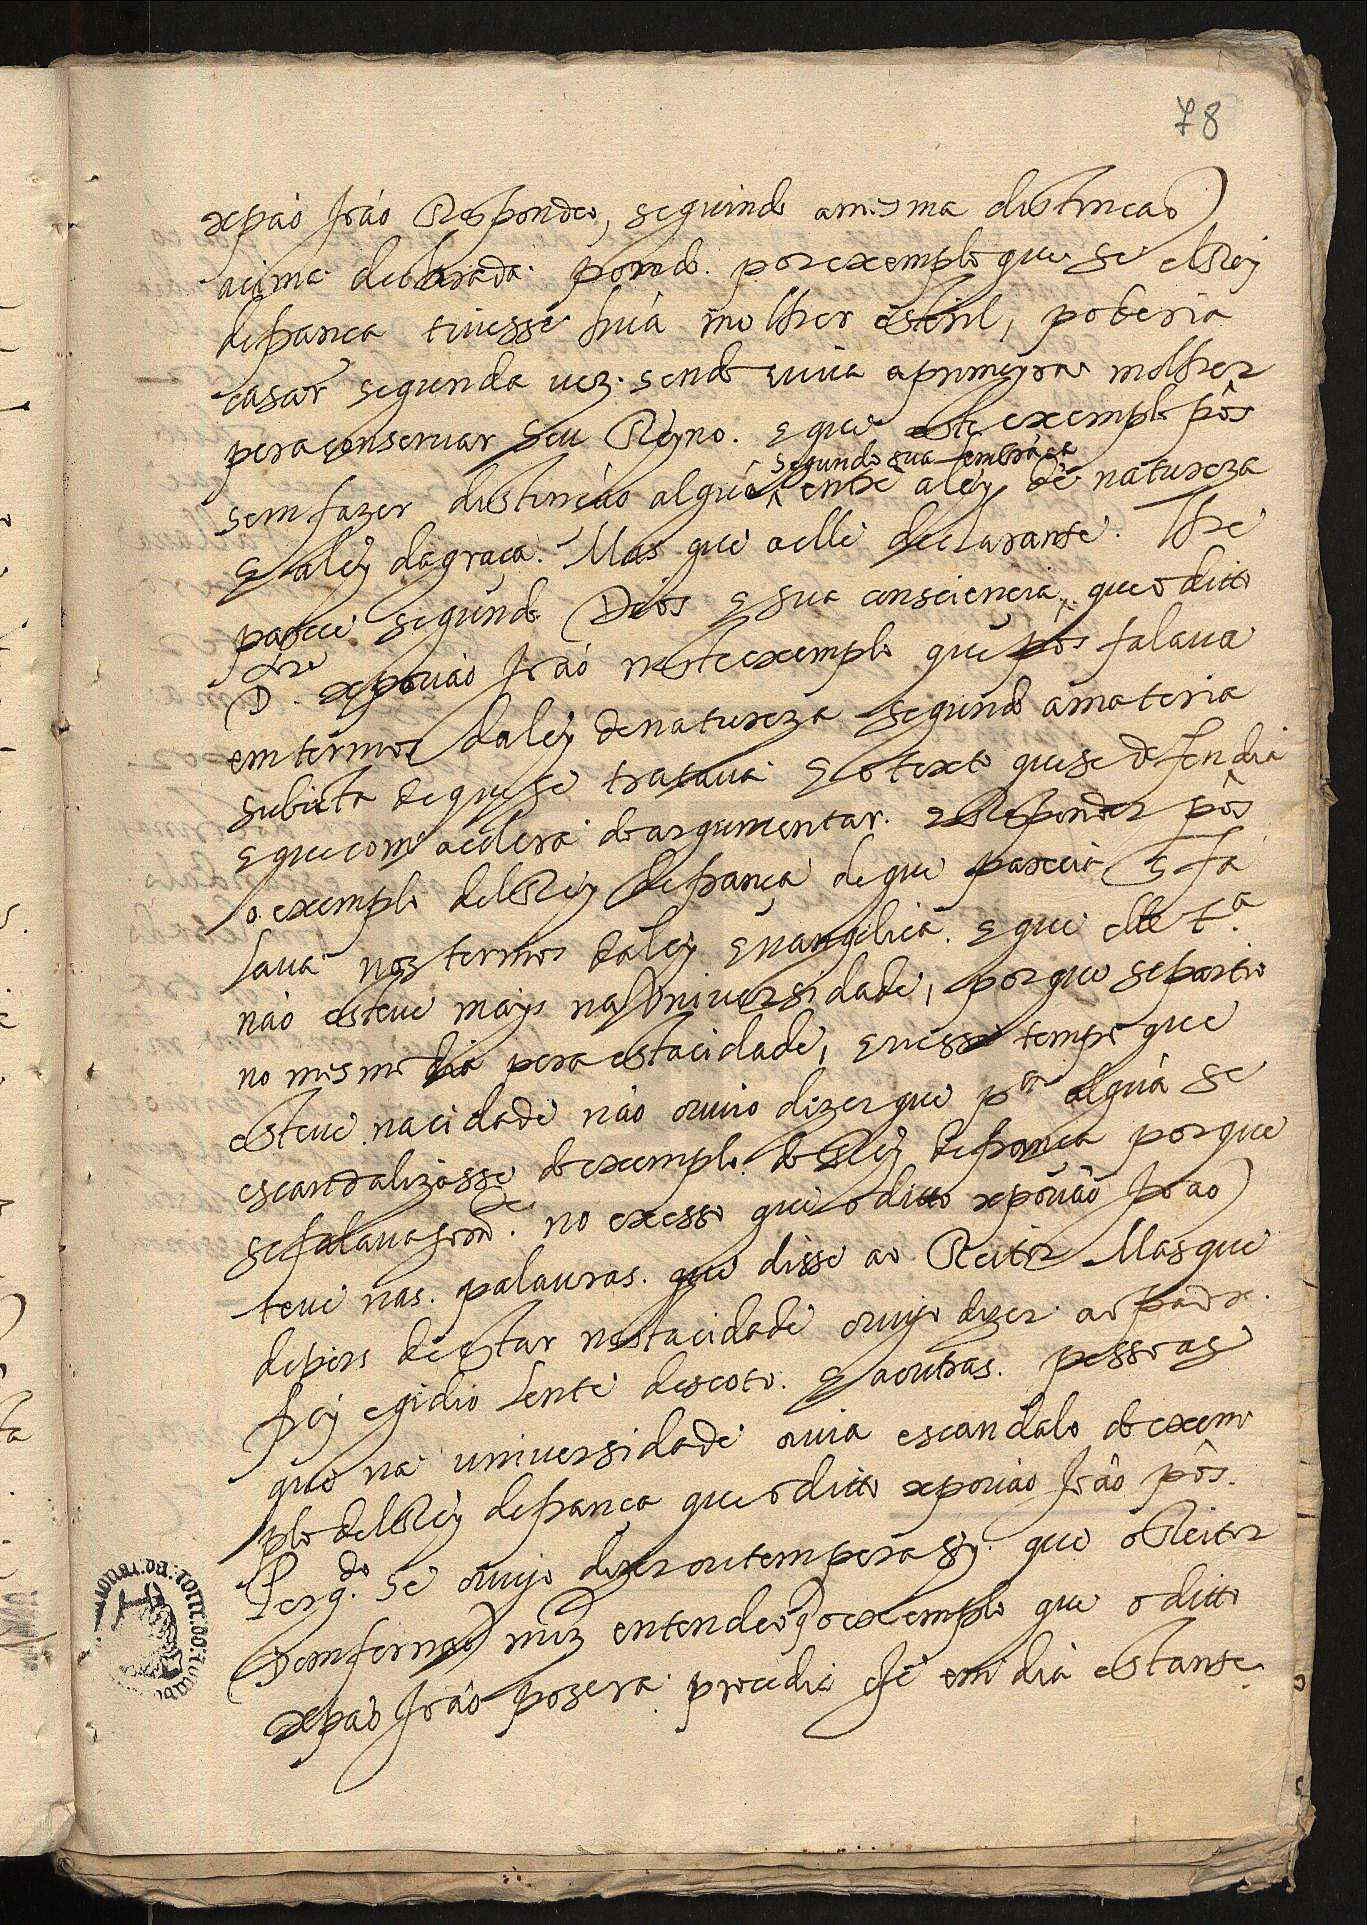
xpaõ João Respondeo, seguindo a mesma distincaõ
acima declarada. pondo. por exemplo que se el Rey
de frança tiuesse huā molher esteril, poderia
casar segunda uez. sendo uiua a primeyra molher
pera conseruar Seu Reyno. E que este exemplo pôs
segundo dia lembrāça
sem fazer distinção alguā entre a ley de natureza
E a ley da graça. Mas que a elle declarante. lhe
pareçe segundo Deos E sua consciençia, que o ditto
D.tor xpouão Joaõ neste exemplo que pos falaua
em termos da ley de natureza segundo a materia
subicta de que se trataua. E cōtexto que se defendia
E que com a colera do argumentar E Responder pôs
o exemplo del Rey de frança de que parecia q̄ fa
laua nos termos da ley Euangelica. E que elle t.a
naõ esteue mays na Vniuersidade, por que se partio
no mesmo dia pera esta cidade, E nesse tempo que
esteue na cidade não ouuio dizer que pa alguā se
escandalizasse do exemplo do Rey de frança porque
se falaua som.te no exesso que o ditto xpouão Joaõ
teue nas palauras. que disse ao Reitor Mas que
depois de estar nesta cidade ouuio dizer ao padre
frey egidio Lente descoto E a outras pessoas
que na uniuersidade auia escandalo do exem
plo del Rey de frança que o ditto xpouão João pôs.
Perg.do se ouujo dizer ou tem pera sy que o Reitor
Dom fernaõ mīz entendeo q̄ o exemplo que o ditto
xpaõ João posera procedia oJe em dia estante
